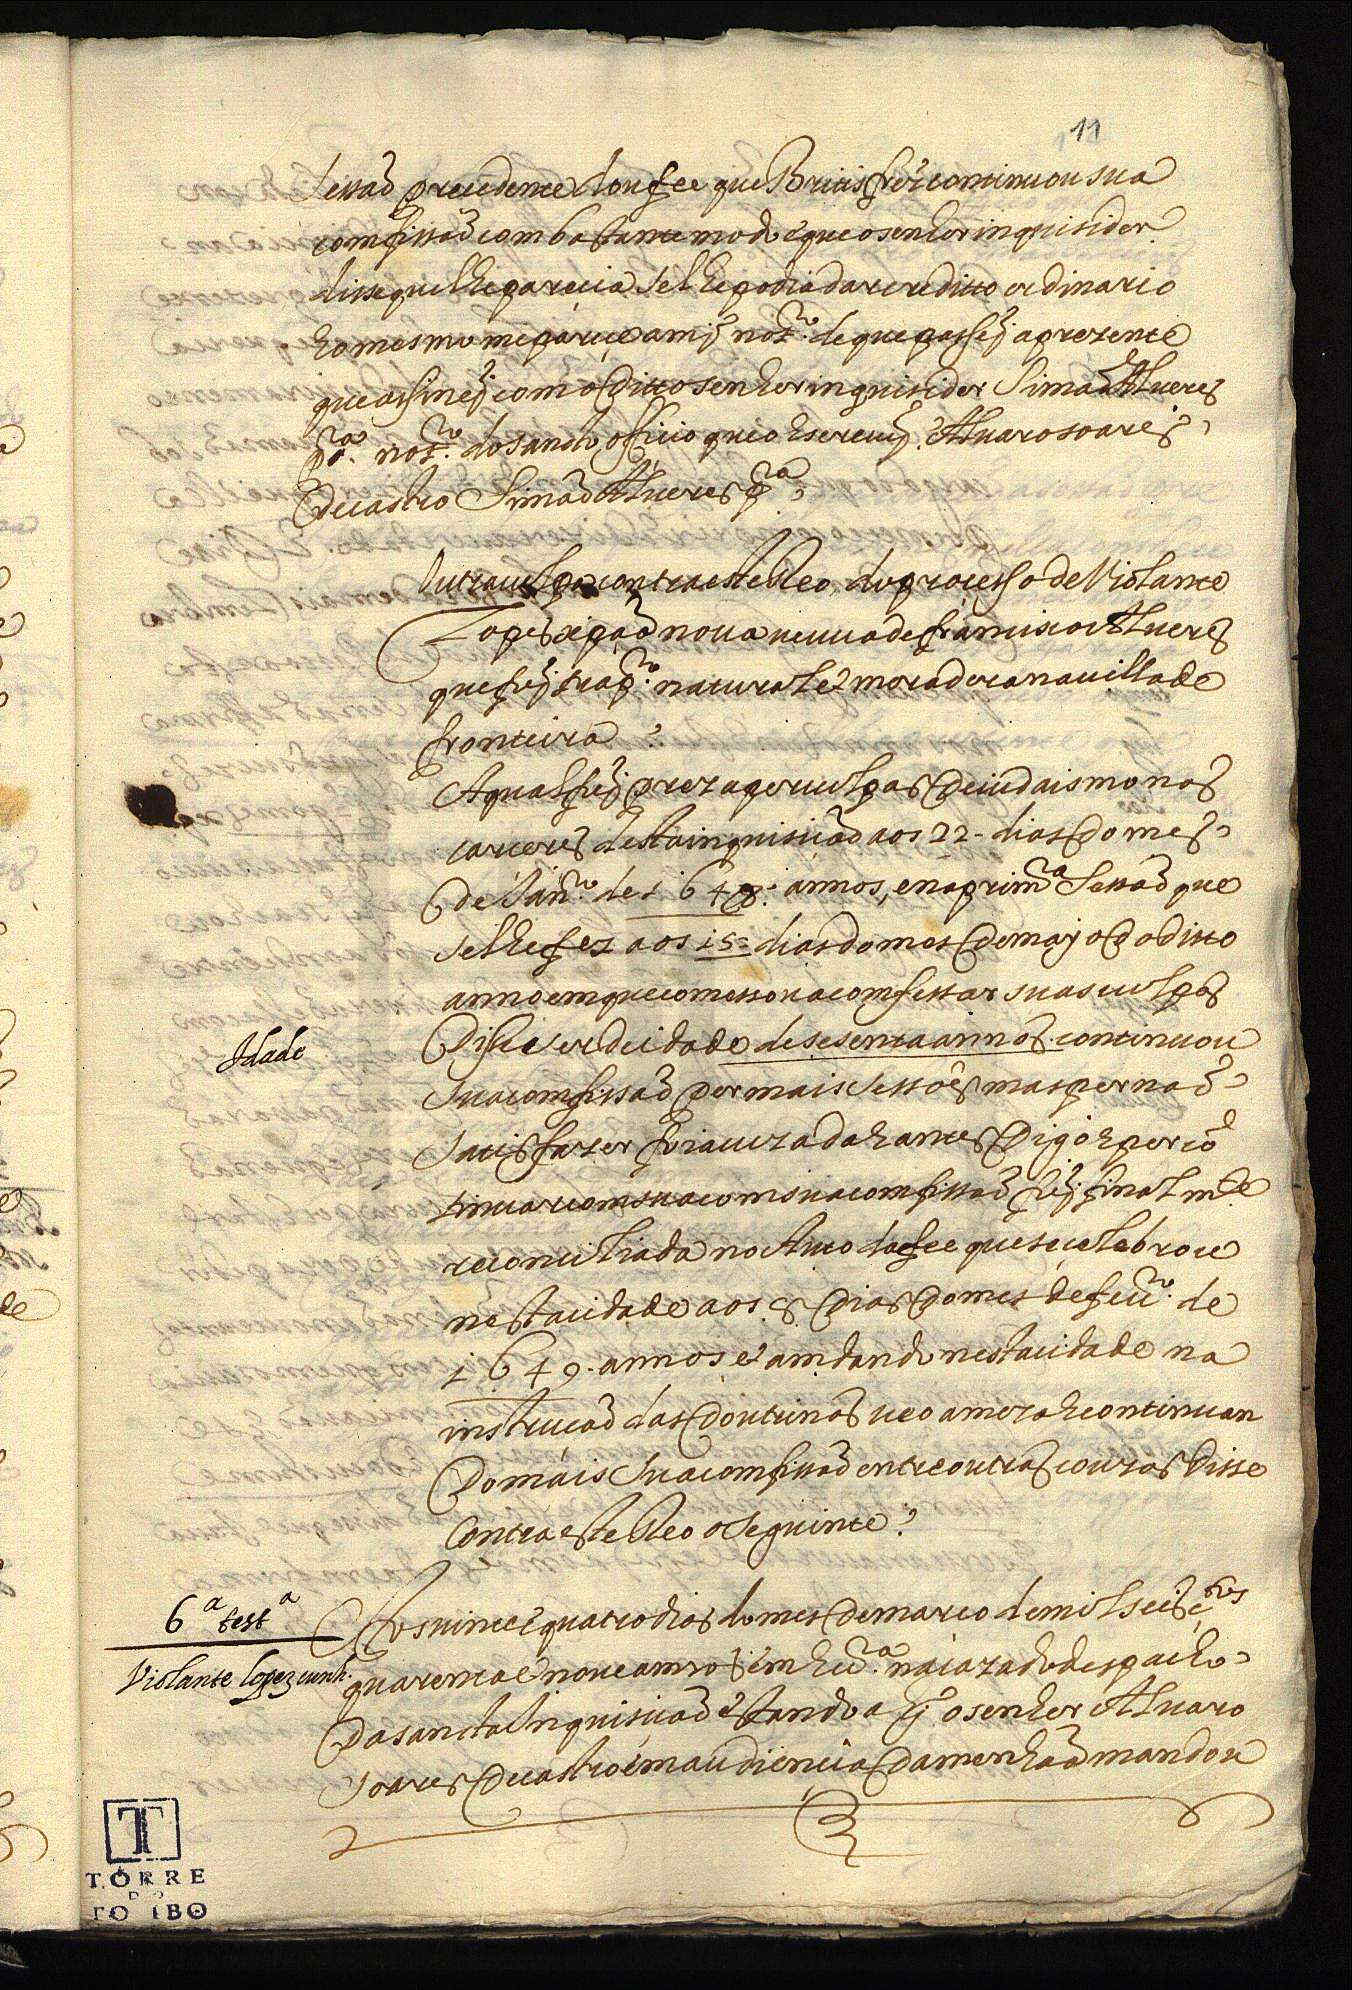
Sessaõ precedente dou fee que Britis frez̄ continuou sua
comfissaõ com bastante modo e que o senhor inquisidor
disse que lhe pareçia se lhe podia dar creditto ordinario
E o mesmo me pareçe a mj̄ not.ro de que passej a prezente
que assinej com o ditto senhor inquisidor Simaõ Alueres
pra. not.ro do sancto officio que o Escreuj. Aluaro soares
de castro Simaõ Alueres pra
Outra culpa contra este Reo, do proçesso de Violante
Lopes xpaā noua uiuua de francisco Alueres
que foj trap.ro natural e moradora na uilla de
fronteira.
A qual fuj preza per culpas de iudaismo nos
carçeres desta inquisiçaõ aos 22. dias do mes
de Ian.ro de i648: annos, e na primra Sessaõ que
se lhe fez aos i5 = dias do mes de mayo do ditto
anno em que comessou a comfessar suas culpas
disse ser de idade de sesenta annos continuou
sua comfissaõ por mais sessoẽs mas per naõ
satisfazer foi auizada E antes digo E por cō
tinuar com sua com sua comfissaõ foj finalm.te
reconciliada no Auto da fee que se çelebrou
nesta cidade aos 8 dias do mes de feu.ro de
i649. annos & amdando nesta cidade na
instruçaõ das doutrinas ueo a meza E continuan
do mais Sua comfissaõ entre outras couzas disse
contra este Reo o seguinte.
Aos uinte e quatro dias do mes de março de mil seisçtos
quarenta e noue annos em Eu.ra na caza do despacho
da sancta Inquisiçaõ estando ahj o senhor Aluaro
soares de castro em audiençia da menhaã mandou
Idade
6a testa
Violante lopez cunh.
